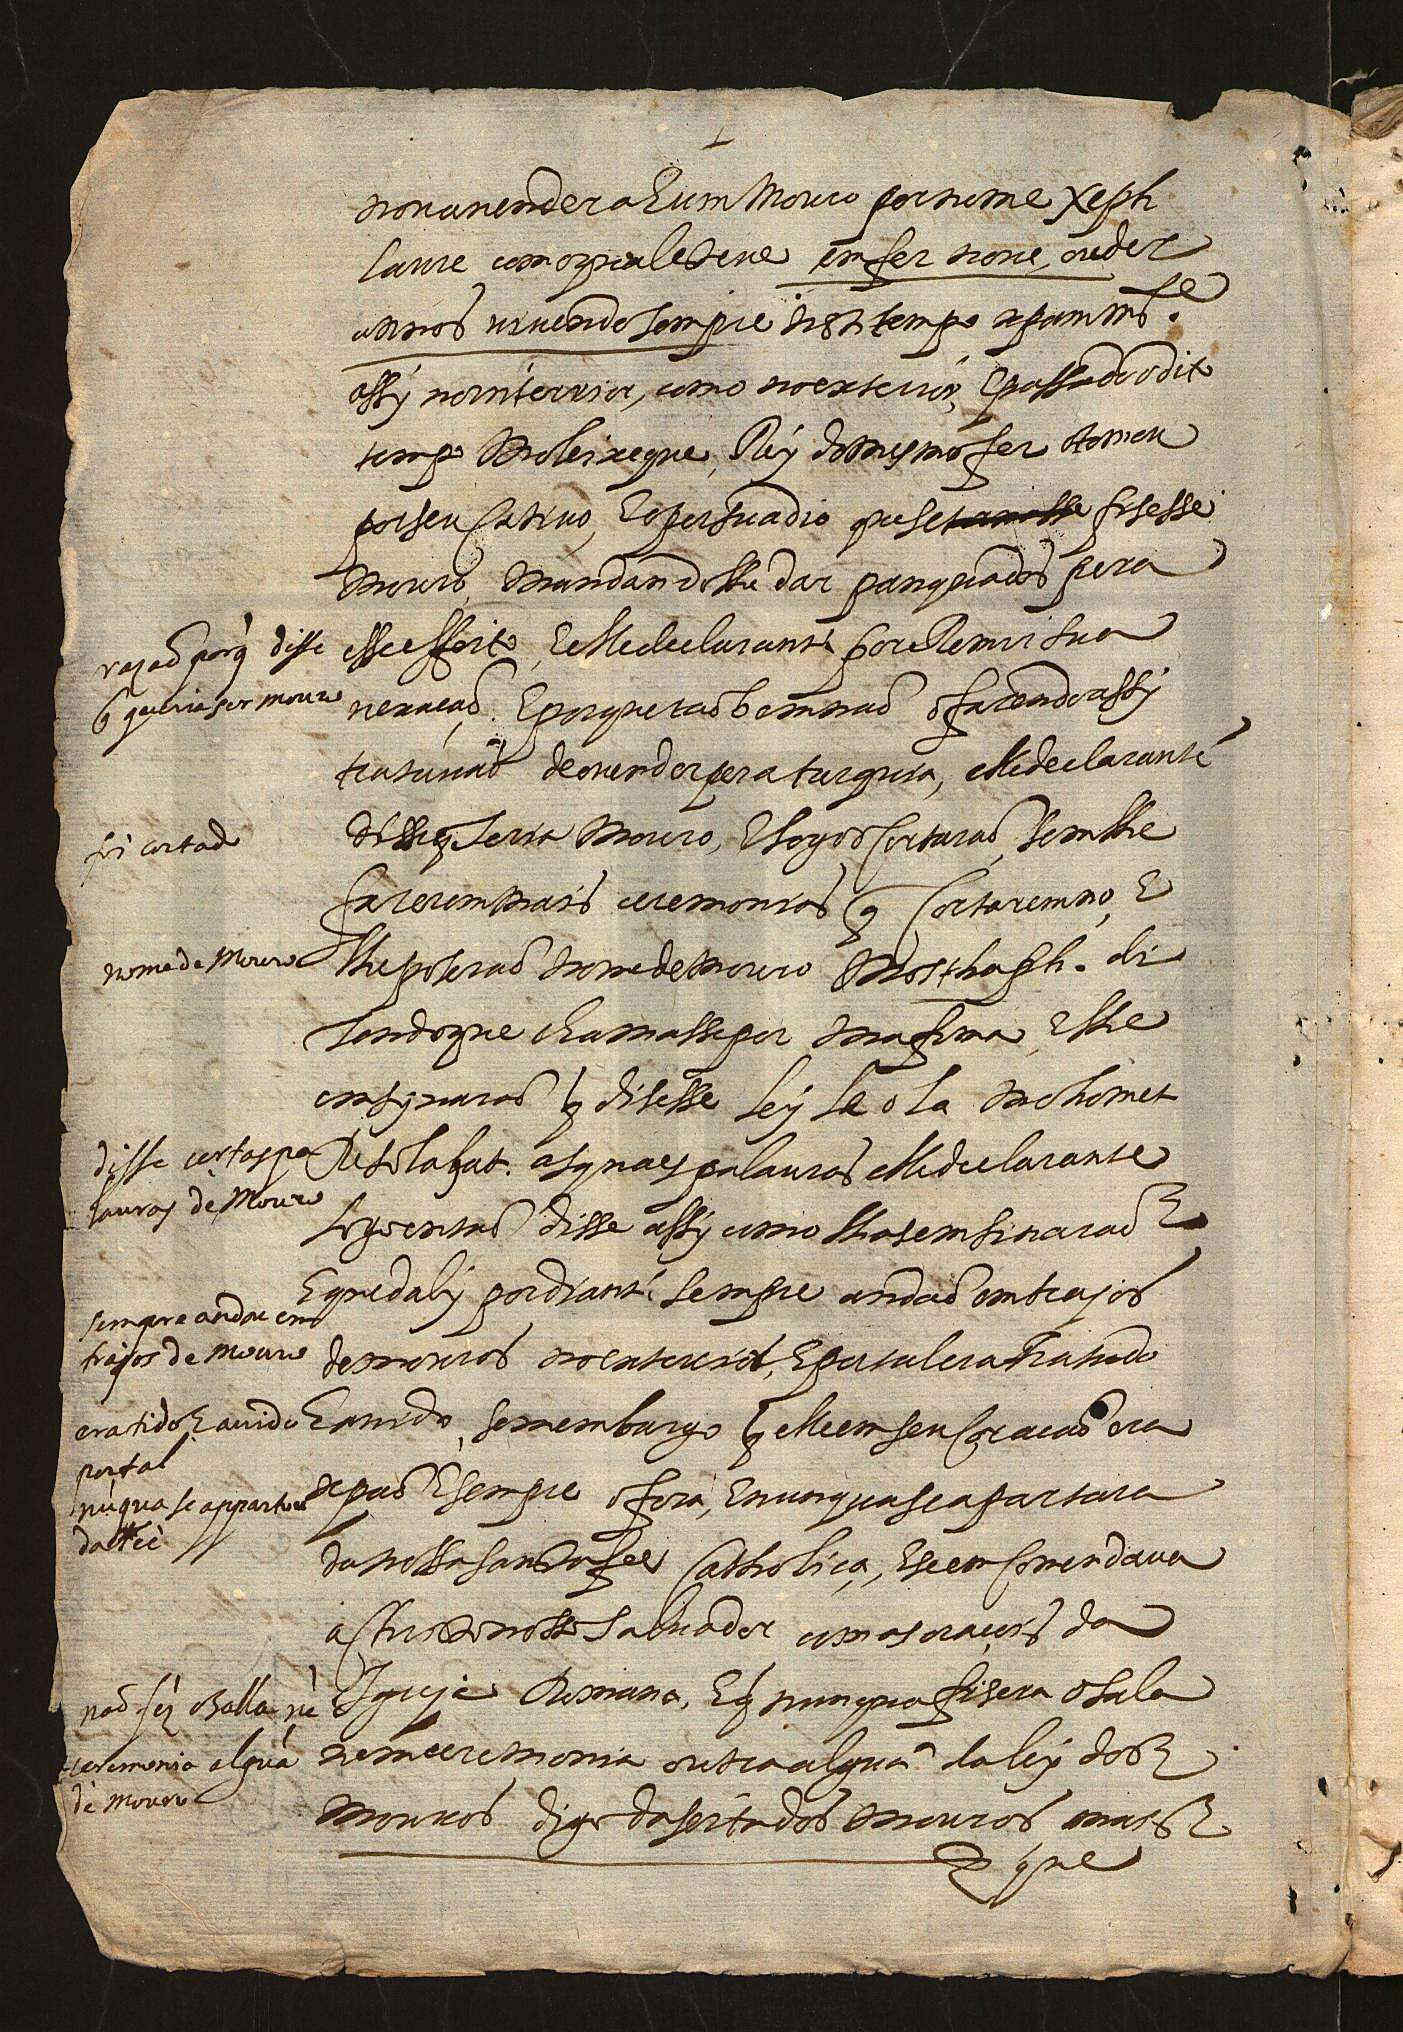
nou a uender a hum Mouro por nome Xeph
laure com o qual esteue em fez noue, ou dez
annos uiuendo sempre neste tempo xpamm.te
assy no interior, como no exterior, E passado o dito
tempo Molei xeque, Rey do mesmo fez o tomou
por seu Catiuo, E o persuadio que se tornasse fisesse
mouro, mandandolhe dar panquados pera
esse effeito, E elle declarante por Remir sua
razaõ por q̄ disse
q̄ queria ser mouro
uexaçaõ. E porque taõbem naõ o fazendo assy
tratauaõ de o uender pera turquia, elle declarante
disse q̄ seria mouro, E logo o Cortaraõ, sem lhe
foi cortado
fazerem mais ceremonias q̄ Cortaremno, E
nome de Mouro
lhe poseraõ nome de mouro Mosthaph. di
zendo que chamasse por Mafoma, E lhe
emsynaraõ q̄ disesse Ley Le o La mohomet
Resolahat. as quaes palauras elle declarante
disse certas pa
lauras de Mouro
logo entaõ disse assy como lhas emsinaraõ
E que daly por diante sempre andaõ em trajos
sempre andou em
trajos de Mouro
de mouros no exterior, E por tal era tratado
E auido, sem embargo q̄ elle em seu Coraçaõ era
era tido E auido
por tal
xpaõ E sempre o fora, E nunqua se apartara
nūqua se appartou
da Feè
da nossa sancta fee Catholica, E se emComendaua
a Christo nosso Saluador com as oraçois da
Igreja Romana, E q̄ nunqua fisera o sala
naõ fez o salla nē
ceremonia alguā
de Mouro
nem ceremonia outra alguā da ley dos
mouros digo da seita dos mouros mais
que
